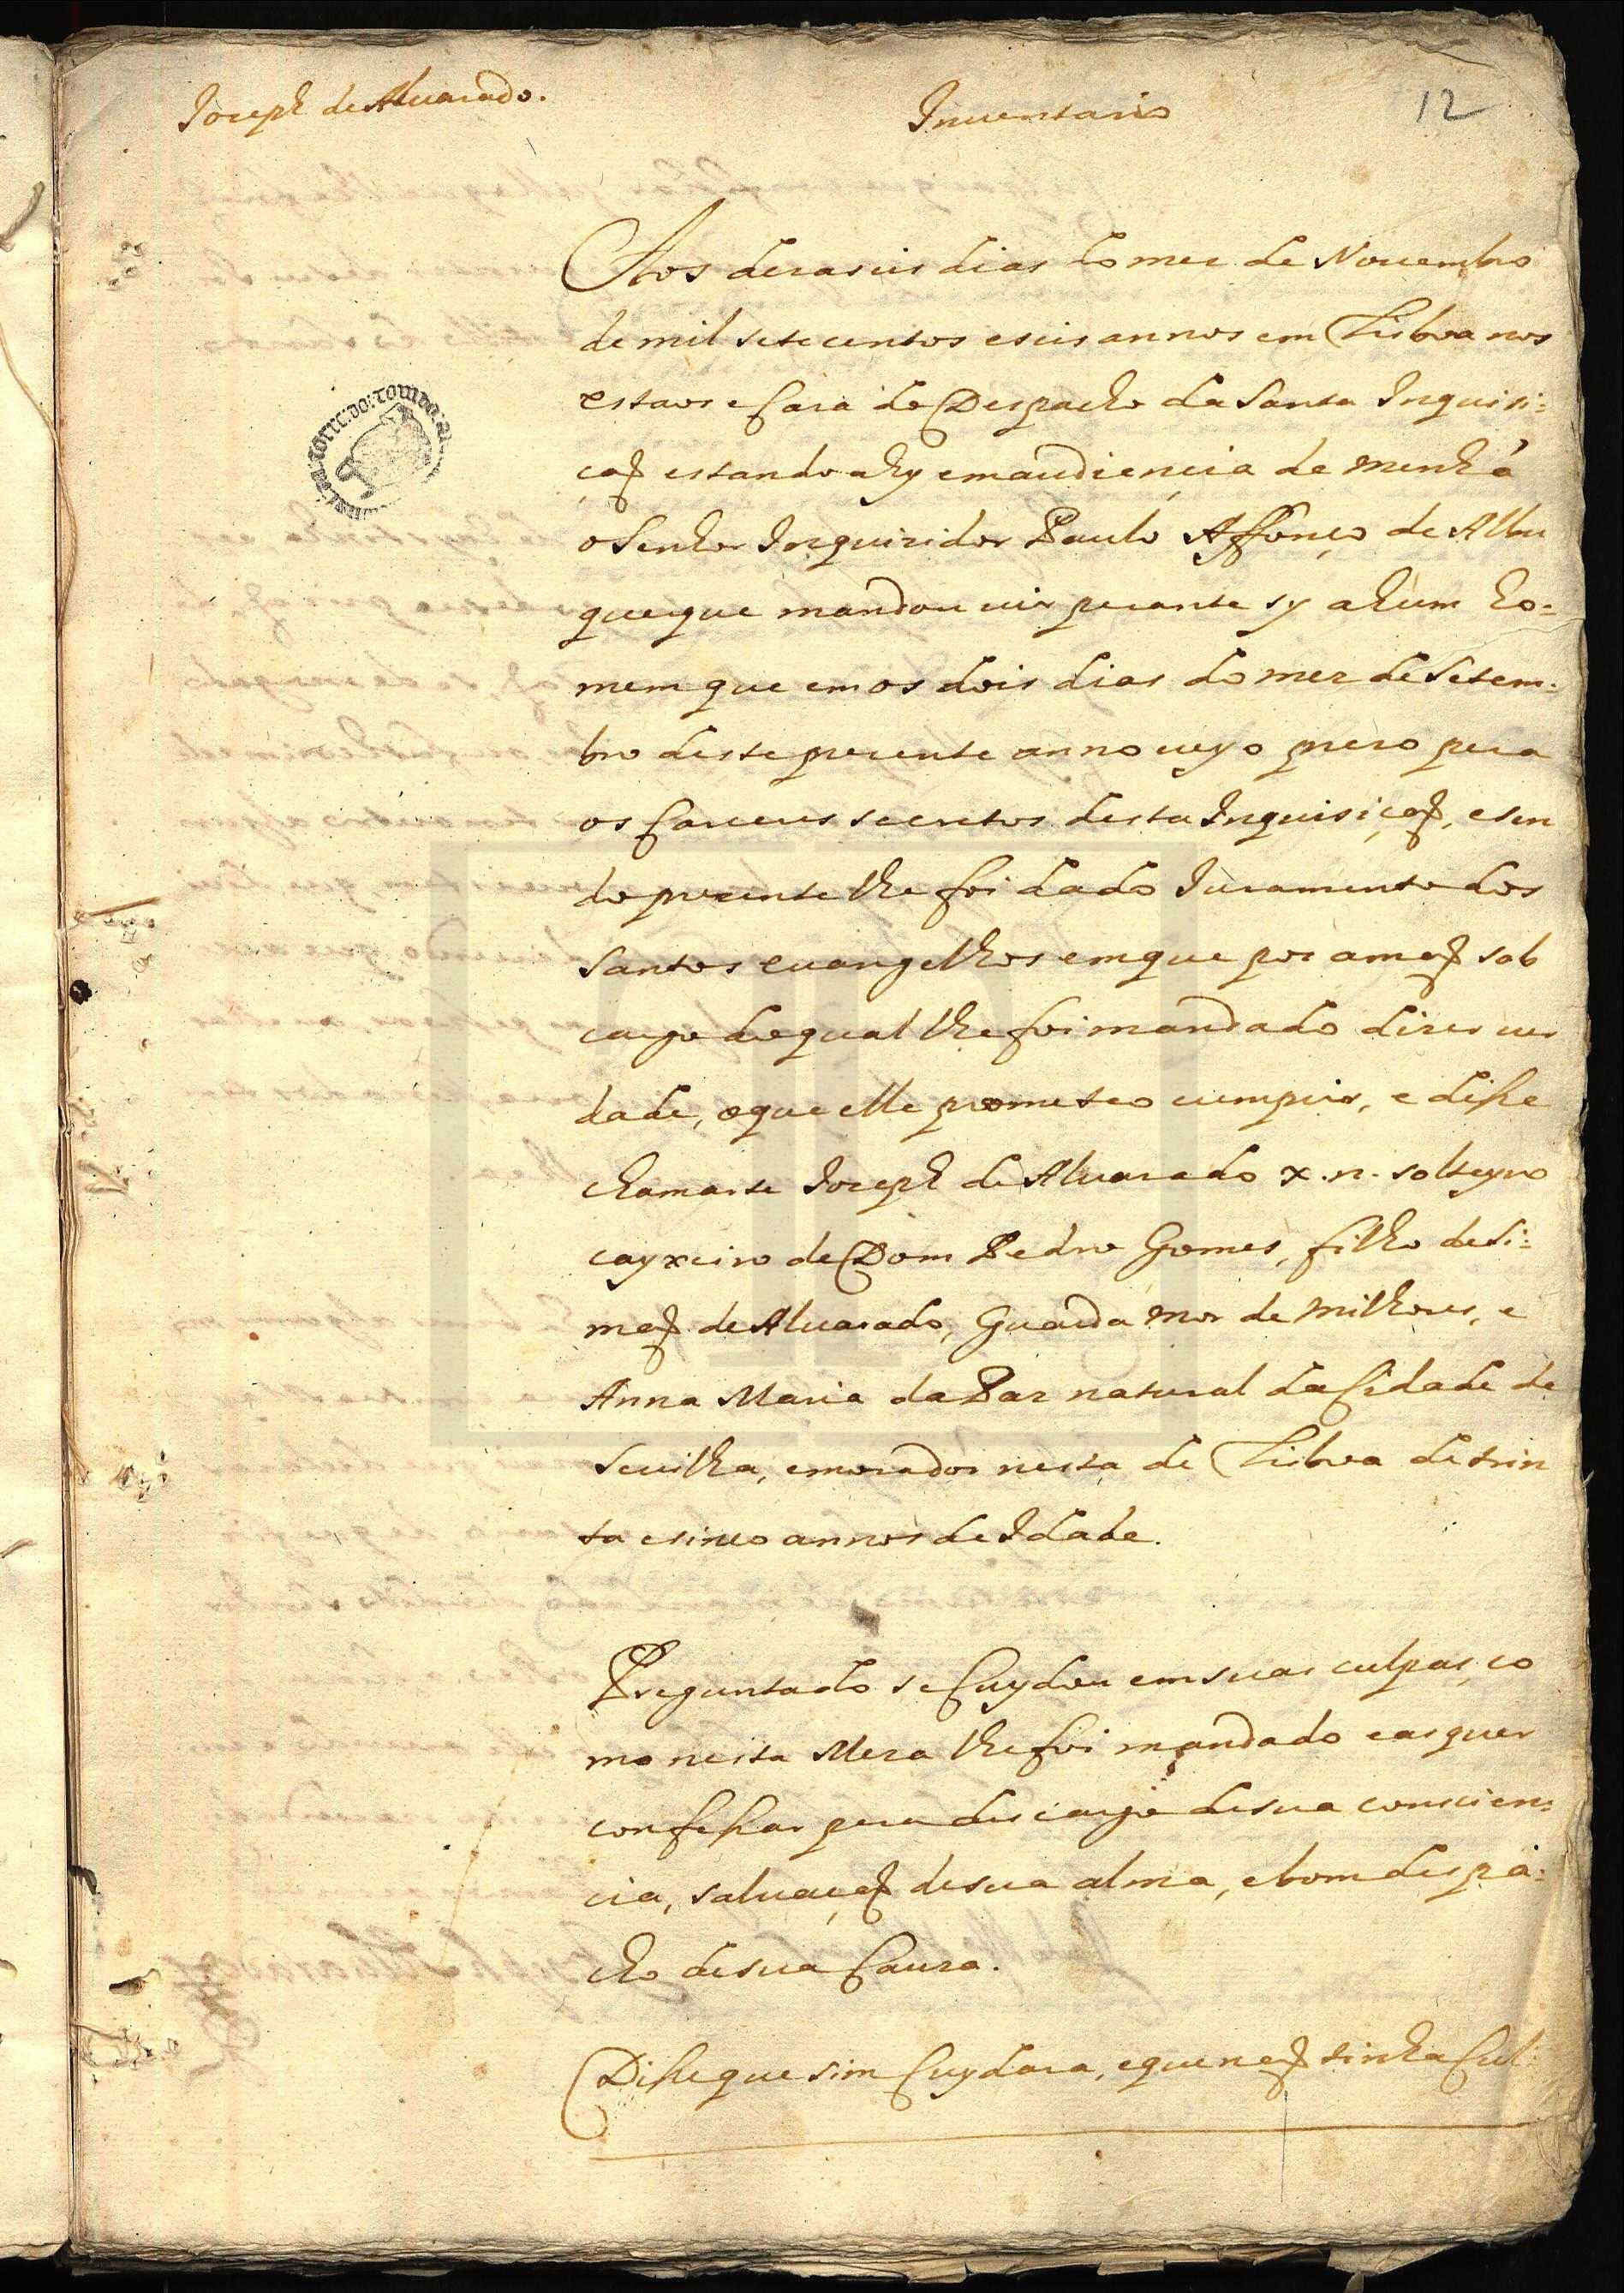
Iozeph de Aluarado.
Inuentario
Aos dezaseis dias do mez de Nouembro
de mil setecentos e seis annos em Lisboa nos
estaos e Caza do Despacho da Santa Inquisi
çaõ estando ahy em audiencia de menhã
o Senhor Inquizidor Paulo Affonço de Albu
querque mandou uir perante sy a hum ho
mem que em os dois dias do mez de setem
bro deste prezente anno ueyo prezo pera
os Carceres secretos desta Inquisiçaõ, e sen
do prezente lhe foi dado Iuramento dos
santos euangelhos em que pos a maõ sob
cargo do qual lhe foi mandado dizer uer
dade, o que elle prometeo cumprir, e disse
chamarse Iozeph de Aluarado x. n. solteyro
cayxeiro de Dom Pedro Gomes, filho de Si
maõ de Aluarado, Guarda mor de milhores, e
Anna Maria da Paz natural da Cidade de
Seuilha, e morador nesta de Lisboa de trin
ta e sinco annos de Idade.
Preguntado se Cuydou em suas culpas, co
mo nesta Meza lhe foi mandado e as quer
confessar pera descargo de sua conscien
cia, saluaçaõ de sua alma, e bom despa
cho de sua Cauza.
Disse que sim Cuydara, e que naõ tinha Cul
